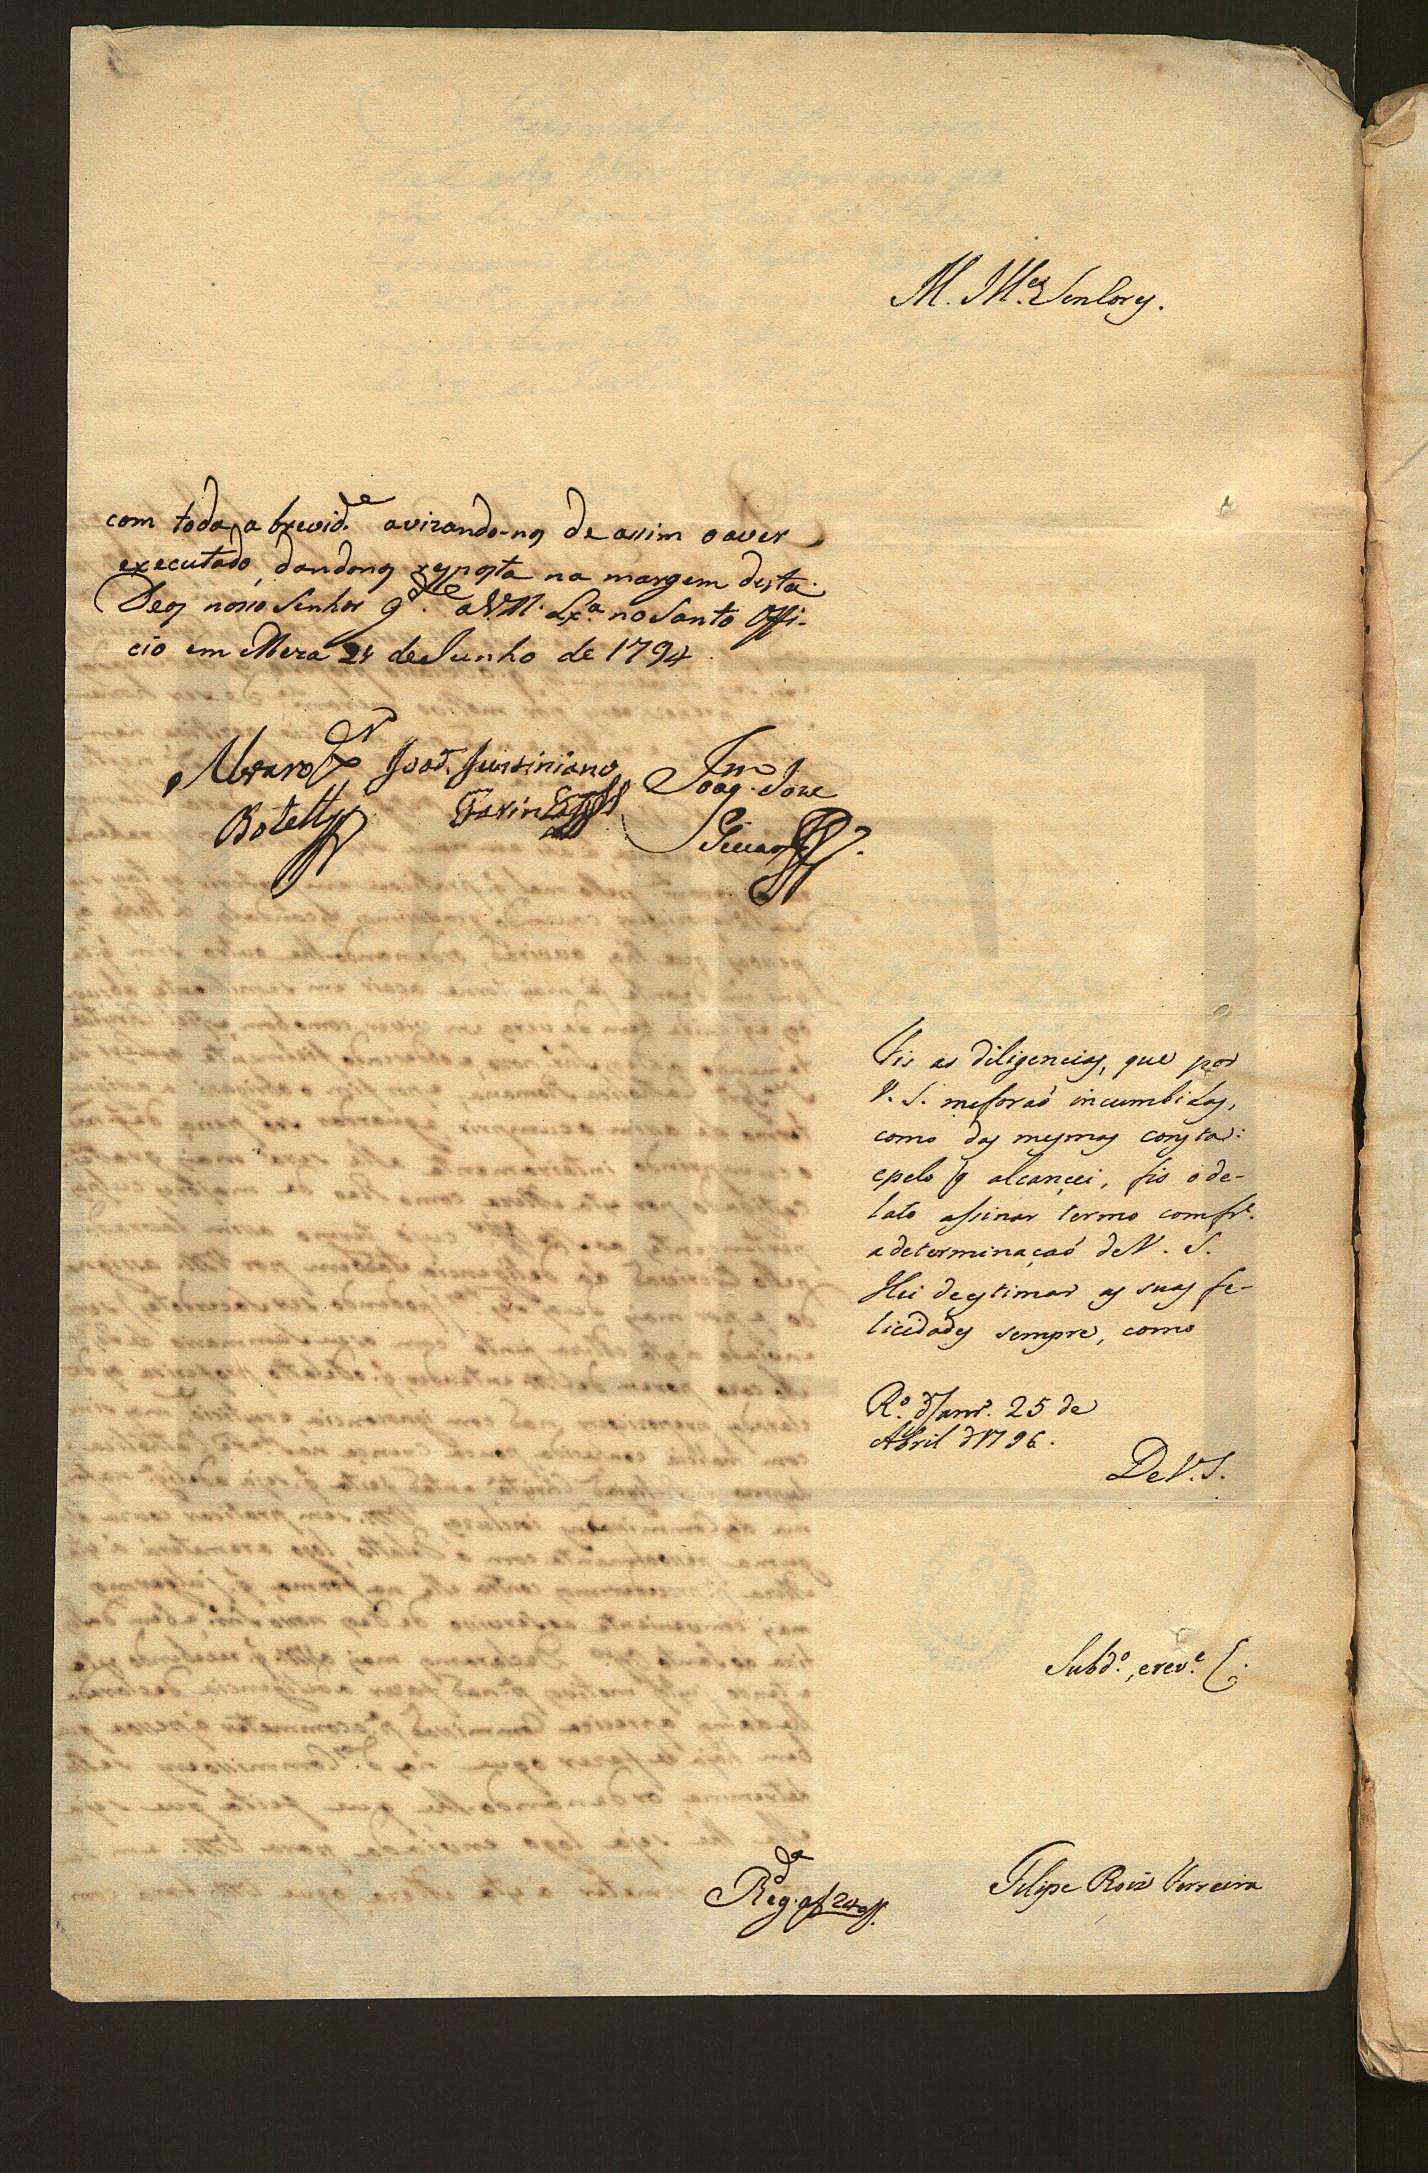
M. Ill.es Senhores.
com toda a brevid.e avizando-nos de assim o aver
executado, dandonos resposta na margem desta
Deos nosso Senhor g.de a VM. Lx.a no Santo Offi
cio em Meza 24 de Iunho de 1794
Alvaro X.er Joaõ Justiniano, Ioaq.m Ioze
Farinha
Botello
Fis as diligencias, que por
V. S. me foraõ incumbidas,
como das mesmas consta.
e pelo q̄ alcancei, fis o de
lato assinar termo comfr.e
a determinaçaõ de V. S.
Hei de estimar as suas fe
licidades sempre, como
R.o đ Janr.o 25 de
Abril đ 1796.
De V. S.
Subd.o, e rev.e C.
Filipe Roiz̄ Ferreira
Reg.da a f 240
